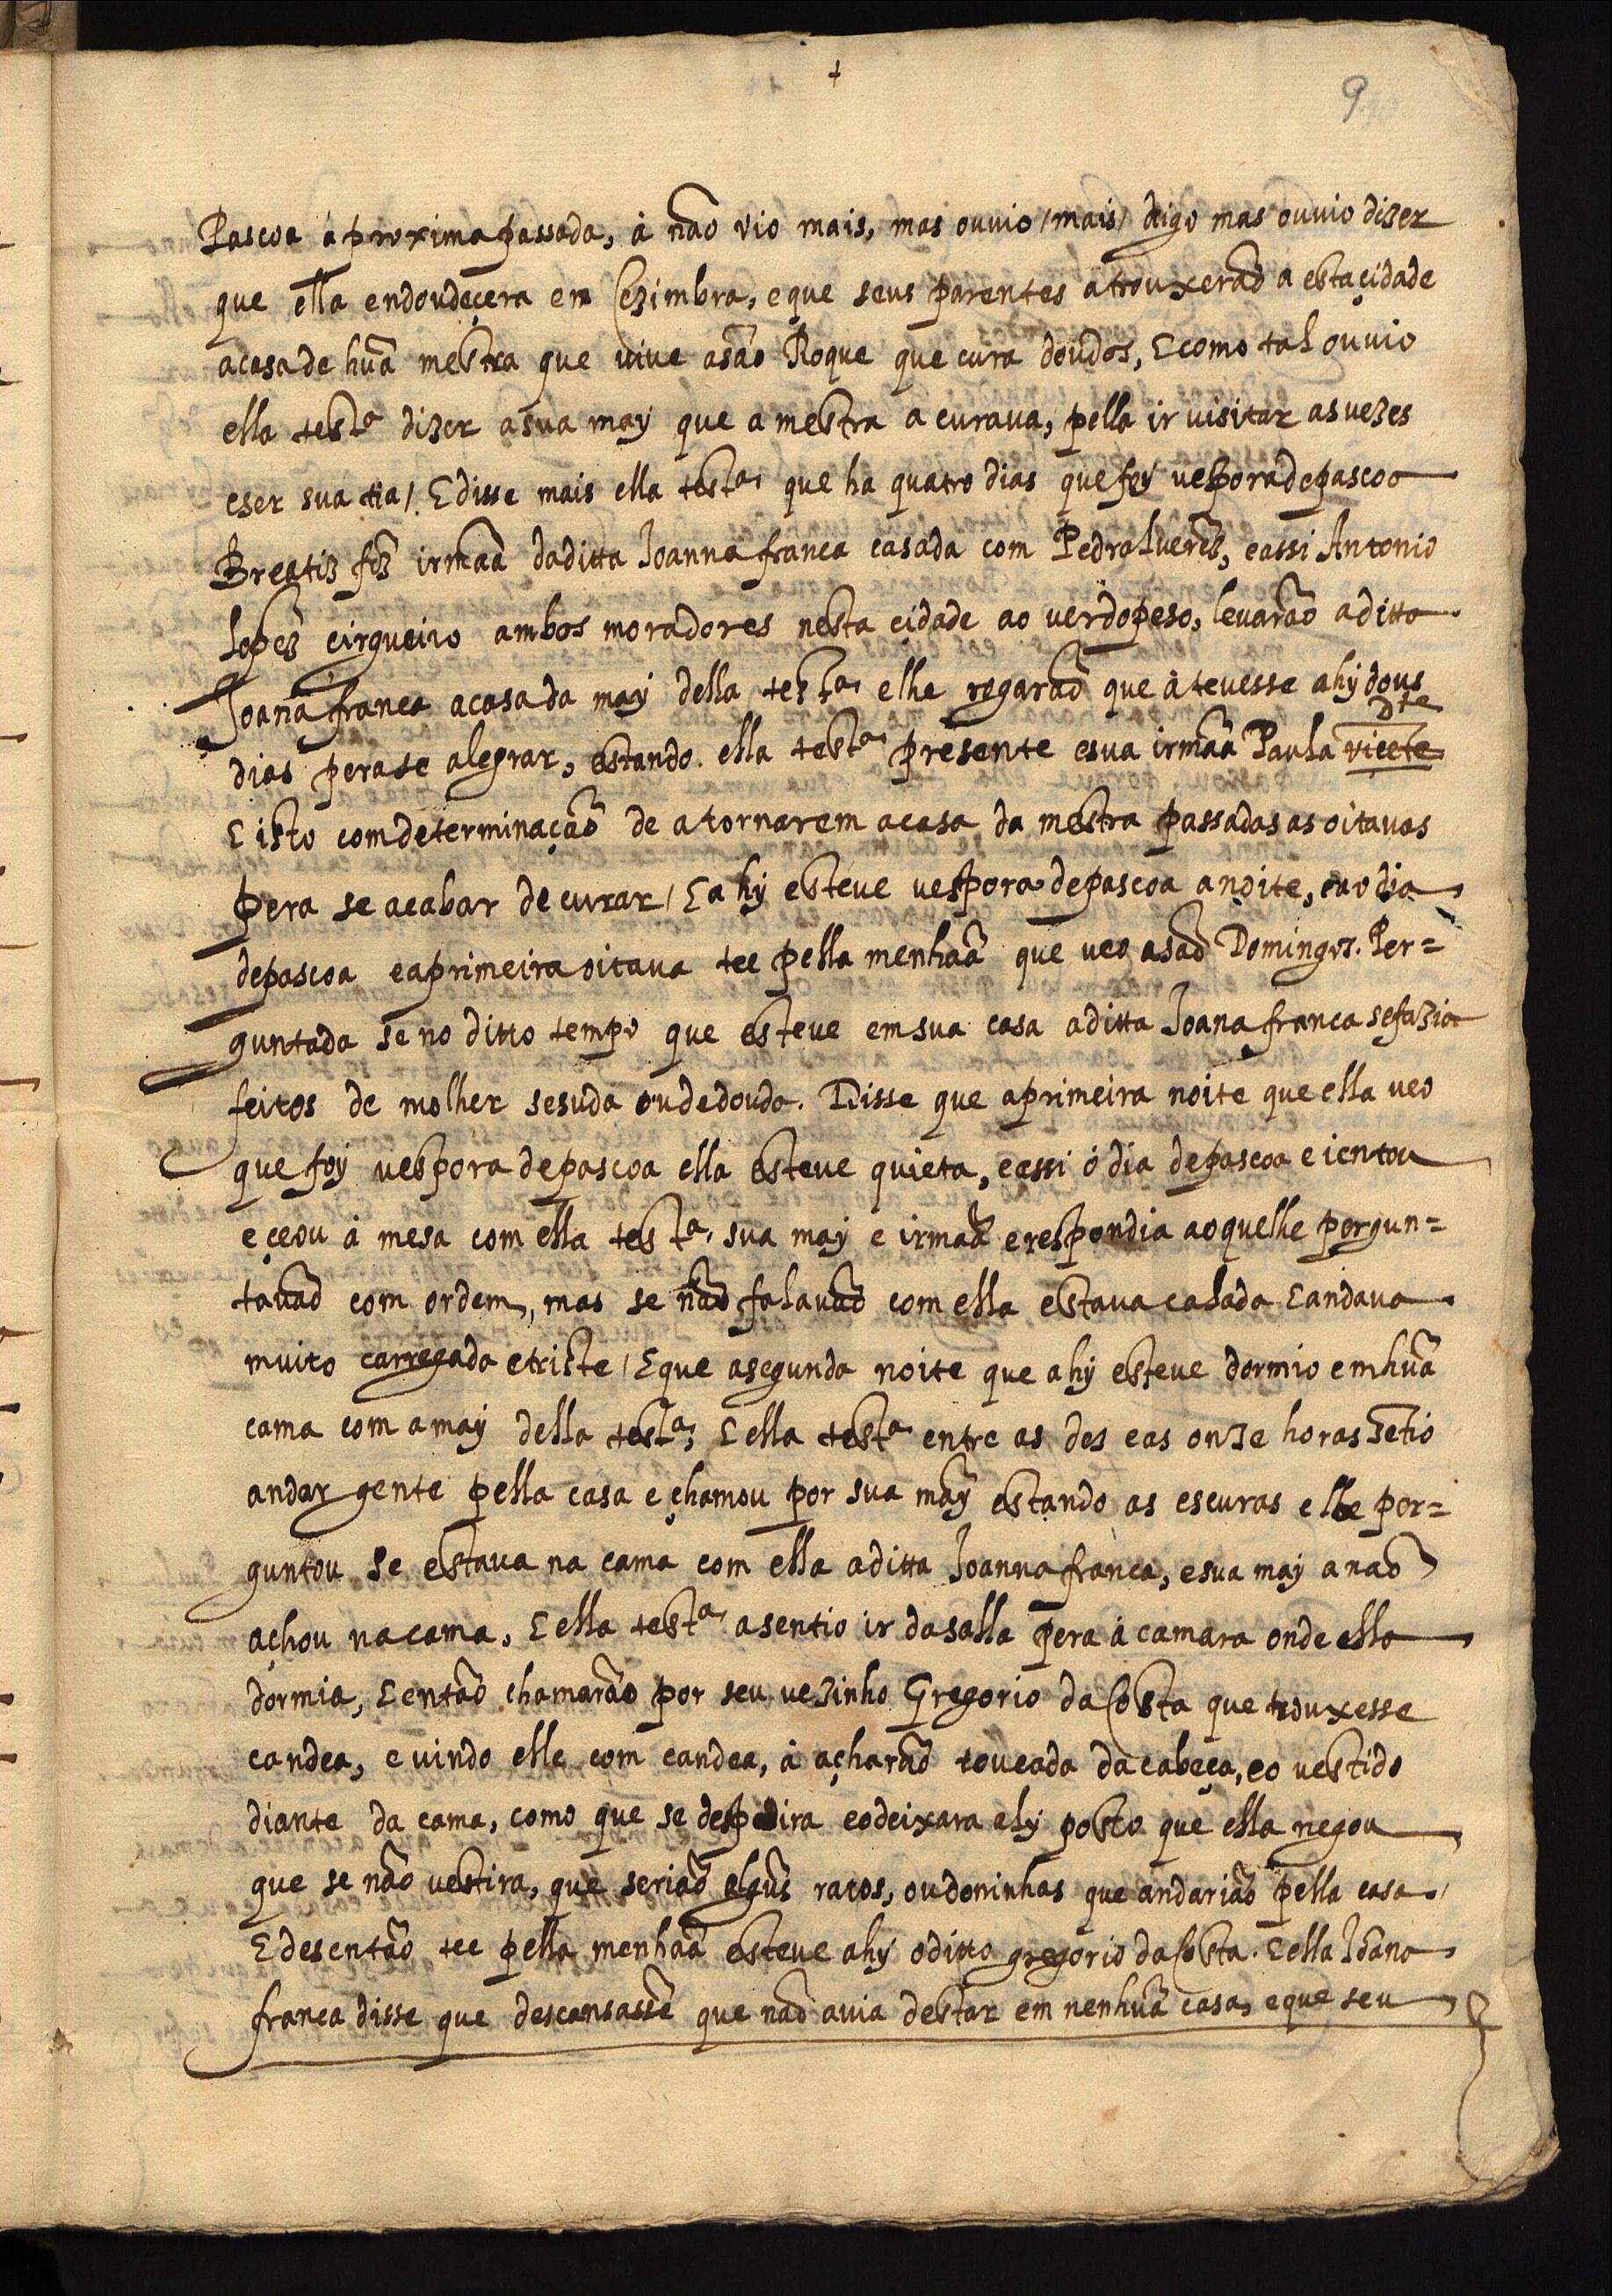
Pascoa a proxima passada, a não vio mais, mas ouuio / mais / digo mas ouuio dizer
que ella endoudeçera em Cezimbra, e que seus parentes a trouxerão a esta çidade
a casa de huā mestra que uiue a são Roque que cura doudos, E como tal ouuio
ella testa dizer a sua may que a mestra a curaua, pella ir uisitar as uezes
e ser sua tia / E disse mais ella testa que ha quatro dias que foy uespora de pascoa
Breatiz frz̄ irmāa da ditta Ioanna franca casada com Pedraluerēz, e assi Antonio
Lopez̄ cirgueiro ambos moradores nesta cidade ao uer do peso, leuarão a ditta
Joanna franca a casa da may della testa e lhe rogarão que a teuesse ahy dous
dias pera se alegrar, estando ella testa presente e sua irmāa Paula viçete
Dte
E isto com determinação de a tornarem a casa da mestra passadas as oitauas
pera se acabar de curar / E ahy esteue uespora de pascoa a noite, e ao dia
de pascoa e a primeira oitaua tee pella menhaā que veio a são Domingos. Per
guntada se no ditto tempo que esteue em sua casa a ditta Ioanna franca se fazia
feitos de molher sesuda ou de douda. Disse que a primeira noite que ella ueo
que foy uespora de pascoa ella esteue quieta, e assi o dia de pascoa e ientou
e çeou a mesa com ella testa. sua may e irmaā e respondia ao que lhe pergun
tauão com ordem, mas se não falauão com ella estaua calada E andaua
muito carregada e triste / E que a segunda noite que ahy esteue dormio em huā
cama com a may della testa, E ella testa entre as des e as onze horas sētio
andar gente pella casa e çhamou por sua mãy estando as escuras e lhe per
guntou se estaua na cama com ella a ditta Ioanna franca, e sua may a naõ
açhou na cama, E ella testa a sentio ir da salla pera a camara onde ella
dormia, E então chamarão por seu uezinho Gregorio da Costa que trouxesse
candea, e uindo elle com candea, a açharão toucada da cabeça, e o uestido
diante da cama, como que se desp_ira e o deixara aly posto que ella negou
que se não uestira, que seriaõ algūs ratos, ou doninhas que andarião pella casa
E des então tee pella menhaã esteue ahy o ditto gregorio da Costa. E ella Ioāna
franca disse que descansassē que não auia destar em nenhuā casa, e que seu
